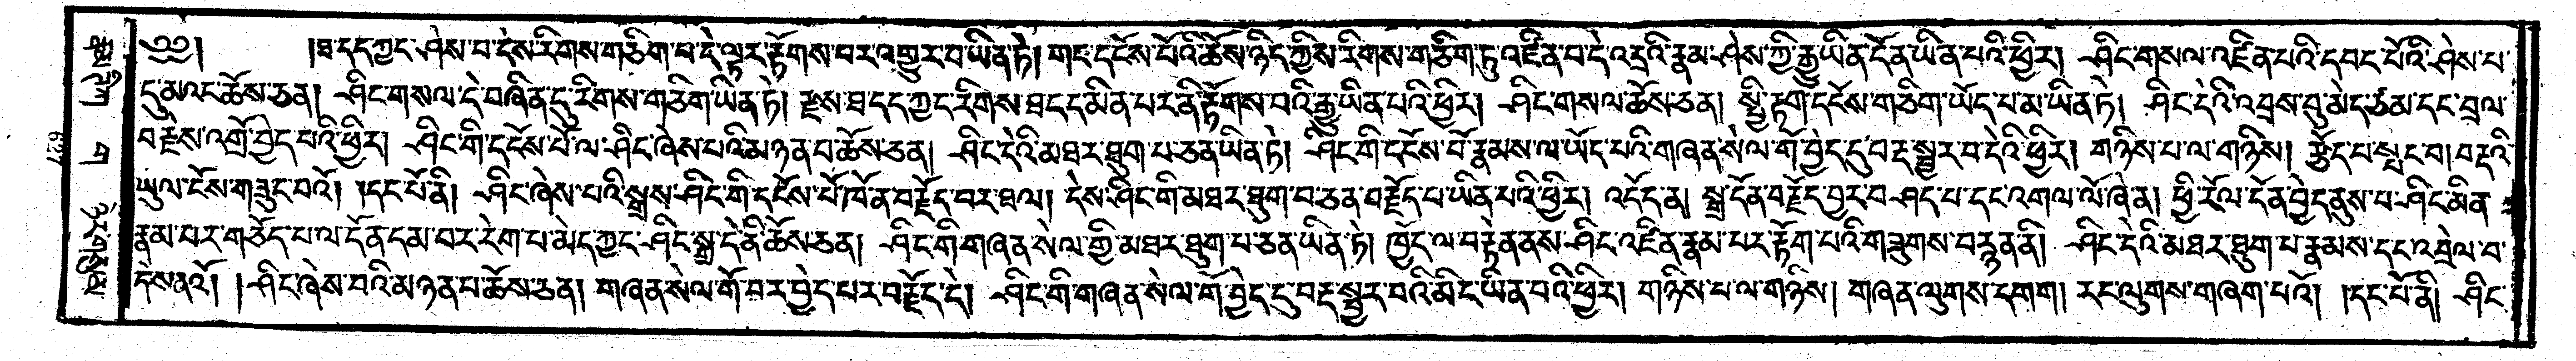༄༅། །ཐ་དད་ཀྱང་ཤེས་བ་དེས་རིགས་གཅིག་བ་དེ་ལྟར་རྟོགས་བར་འགྱུར་བ་ཡིན་ཏེ། གང་དངོས་པོའི་ཆོས་ཉིད་ཀྱིས་རིགས་གཅིག་ཏུ་འཛིན་བ་དེ་འདྲའི་རྣམ་ཤེས་ཀྱི་རྒྱུ་ཡིན་དོན་ཡིན་པའི་ཕྱིར། ཤིང་གསལ་འཛིན་པའི་དབང་པོའི་ཤེས་པ་
དུ་མའང་ཆོས་ཅན། ཤིང་གསལ་དེ་བཞིན་དུ་རིགས་གཅིག་ཡིན་ཏེ། རྫས་ཐ་དད་ཀྱང་རིགས་ཐ་དད་མིན་པར་ནི་རྟོགས་བའི་རྒྱུ་ཡིན་པའི་ཕྱིར། ཤིང་གསལ་ཆོས་ཅན། སྤྱི་རྟག་དངོས་གཅིག་ཡོད་པ་མ་ཡིན་ཏེ། ཤིང་དེའི་འབྲས་བུ་མེད་ཙམ་དང་བྲལ་
བརྗེས་འགྲོ་བྱེད་པའི་ཕྱིར། ཤིང་གི་དངོས་པོ་ལ་ཤིང་ཞེས་པའི་མཉན་པ་ཆོས་ཅན། ཤིང་དེའི་མཐར་ཐུག་པ་ཅན་ཡིན་ཏེ། ཤིང་གི་དངོས་བོ་རྣམས་ལ་ཡོད་པའི་གཞན་སེལ་གོ་བྱེད་དུ་བརྡ་སྦྱར་བ་དེའི་ཕྱིར། གཉིས་པ་ལ་གཉིས། རྩོད་པ་སྤང་བ། བརྡའི་
ཡུལ་ངོས་གཟུང་བའོ། །དང་པོ་ནི། ཤིང་ཞེས་པའི་སྒྲས་ཤིང་གི་དངོས་པོ་ཁོ་ན་བརྗོད་བར་ཐལ། དེས་ཤིང་གི་མཐར་ཐུག་བ་ཅན་བརྗོད་པ་ཡིན་པའི་ཕྱིར། འདོད་ན། སྒྲ་དོན་བརྗོད་བྱར་བཤད་པ་དང་འགལ་ལོ་ཞེ་ན། ཕྱི་རོལ་དོན་བྱེད་ནུས་པ་ཤིང་མིན་
རྣམ་པར་གཅོད་པ་ལ་དོན་དམ་བར་རེག་པ་མེད་ཀྱང་ཤིང་སྒྲ་དེ་ནི་ཆོས་ཅན། ཤིང་གི་གཞན་སེལ་གྱི་མཐར་ཐུག་པ་ཅན་ཡིན་ཏེ། ཁྱོད་ལ་བརྟེན་ནས་ཤིང་འཛིན་རྣམ་པར་རྟོག་པའི་གཟུགས་བརྙན་ནི། ཤིང་དེའི་མཐར་ཐུག་པ་རྣམས་དང་འབྲེལ་བ་
དེས་ནའོ། །ཤིང་ཞེས་བའི་མཉན་པ་ཆོས་ཅན། གཞན་སེལ་གོ་བར་བྱེད་པར་བརྗོད་དེ། ཤིང་གི་གཞན་སེལ་གོ་བྱེད་དུ་བརྡ་སྦྱར་བའི་མིང་ཡིན་པའི་ཕྱིར། གཉིས་པ་ལ་གཉིས། གཞན་ལུགས་དགག། རང་ལུགས་གཞག་པའོ། །དང་པོ་ནི། ཤིང་